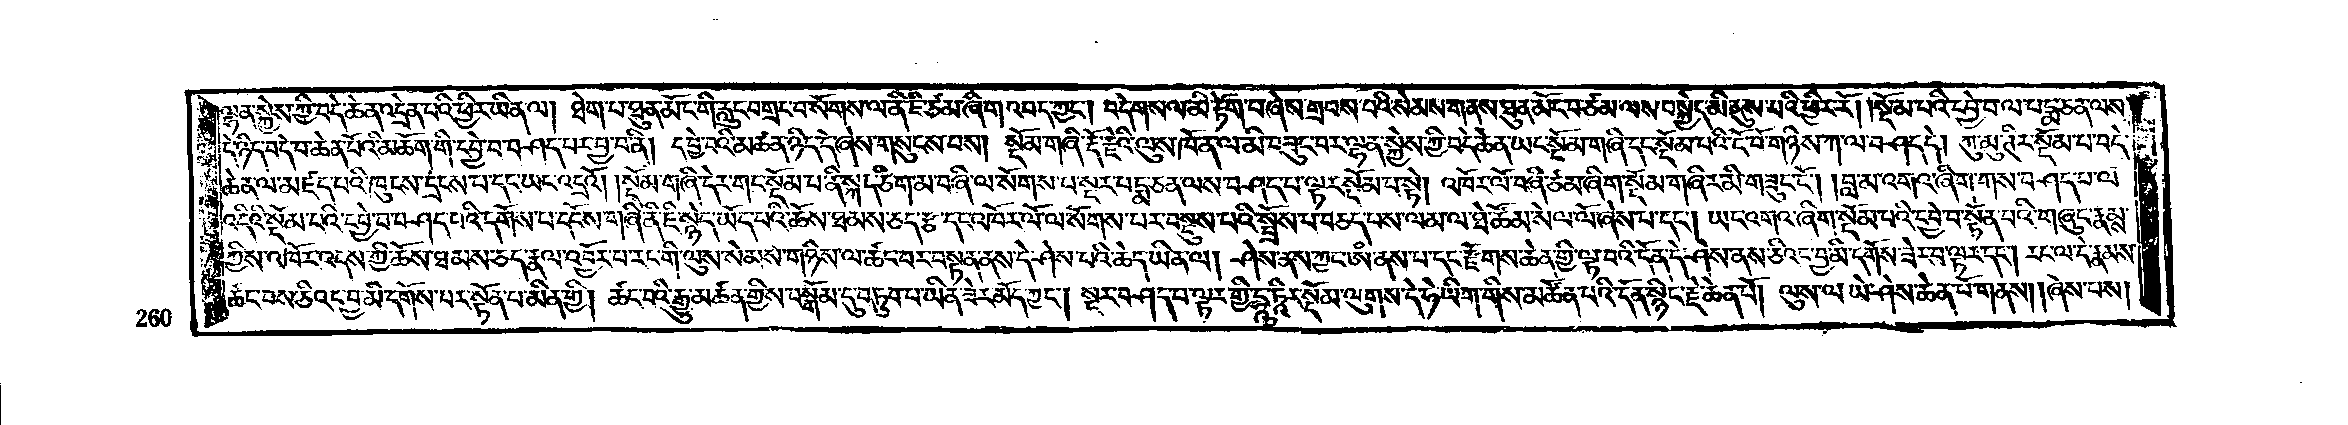ལྷན་སྐྱེས་ཀྱི་བདེ་ཆེན་འདྲེན་པའི་ཕྱིར་ཡིན་ལ། ཐེག་པ་ཐུན་མོང་གི་རླུང་བགྲང་བ་སོགས་ལ་ནི་ཇི་ཙམ་ཞིག་འབད་ཀྱང་། བདེ་གསལ་མི་རྟོག་པ་ཞེས་གྲབས་པའི་སེམས་གནས་ཐུན་མོང་བ་ཙམ་ལས་བསྐྱེད་མི་ནུས་པའི་ཕྱིར་རོ། །སྡོམ་པའི་དབྱེ་བ་ལ་པདམ་ཅན་ལས་
དེ་ཉིད་བདེ་བ་ཆེན་པོའི་མཆོག་གི་དབྱེ་བ་བཤད་པར་བྱ་བ་ནི། དབྱེ་བའི་མཚན་ཉིད་དེ་ཞེས་གསུངས་པས། སྡོམ་གཞི་རྡོ་རྗེའི་ལུས་ཁོ་ན་ལ་མི་བཟུང་བར་ལྷན་སྐྱེས་ཀྱི་བདེ་ཆེན་ཡང་སྡོམ་གཞི་དང་སྡོམ་པའི་ངོ་བོ་གཉིས་ཀ་ལ་བཤད་དེ། ཀུ་མུ་ཊིར་སྡོམ་པ་བདེ་
ཆེན་ལ་མཛད་པའི་ཁུངས་དྲངས་པ་དང་ཡང་འདྲའོ། །སྡོམ་གཞི་དེར་གང་སྡོམ་པ་ནི་སྐད་ཅིག་མ་བཞི་ལ་སོགས་པ་སྔར་པདམ་ཅན་ལས་བཤད་པ་ལྟར་སྡོམ་པ་སྟེ། འཁོར་ལོ་བཞི་ཙམ་ཞིག་སྡོམ་གཞིར་མི་གཟུང་ངོ། །བླ་མ་འགའ་ཞིག་གས་བཤད་པ་ལ་
འདིའི་སྡོམ་པའི་དབྱེ་བ་བཤད་པའི་དགོས་པ་དངོས་གཞི་ནི་ཇི་སྙེད་ཡོད་པའི་ཆོས་ཐམས་ཅད་རྩ་དང་འཁོར་ལོ་ལ་སོགས་པར་བསྡུས་པའི་སྤྲོས་པ་བཅད་པས་ལམ་ལ་ཐེ་ཚོམ་སེལ་ལོ་ཞེས་པ་དང་། ཡང་འགའ་ཞིག་སྡོམ་པའི་དབྱེ་བ་སྟོན་པའི་གཞུང་རྣམས་
ཀྱིས་འཁོར་འདས་ཀྱི་ཆོས་ཐམས་ཅད་རྣལ་འབྱོར་པ་རང་གི་ལུས་སེམས་གཉིས་ལ་ཚང་བར་བསྟན་ནས་དེ་ཤེས་པའི་ཆེད་ཡིན་ལ། ཤེས་ནས་ཀྱང་ཨཾ་ནས་པ་དང་རྫོགས་ཆེན་གྱི་ལྟ་བའི་དོན་དེ་ཤེས་ནས་ཅིའང་བྱ་མི་དགོས་ཟེར་བ་ལྟར་དང་། རང་ལ་དེ་རྣམས་
ཚང་བས་ཅིའང་བྱ་མི་དགོས་པར་སྟོན་པ་མིན་གྱི། ཚང་བའི་རྒྱུ་མཚན་གྱིས་བསྒོམ་དུ་བཏུབ་པ་ཡིན་ཟེར་མོད་ཀྱང་། སྔར་བཤད་པ་ལྟར་གྱི་དྷཱུ་ཏཱིར་སྡོམ་ལུགས་དེ་ཧེ་ཡིག་གིས་མཚོན་པའི་དོན་སྙིང་རྗེ་ཆེན་པོ། ལུས་ལ་ཡེ་ཤེས་ཆེན་པོ་གནས། །ཞེས་པས།